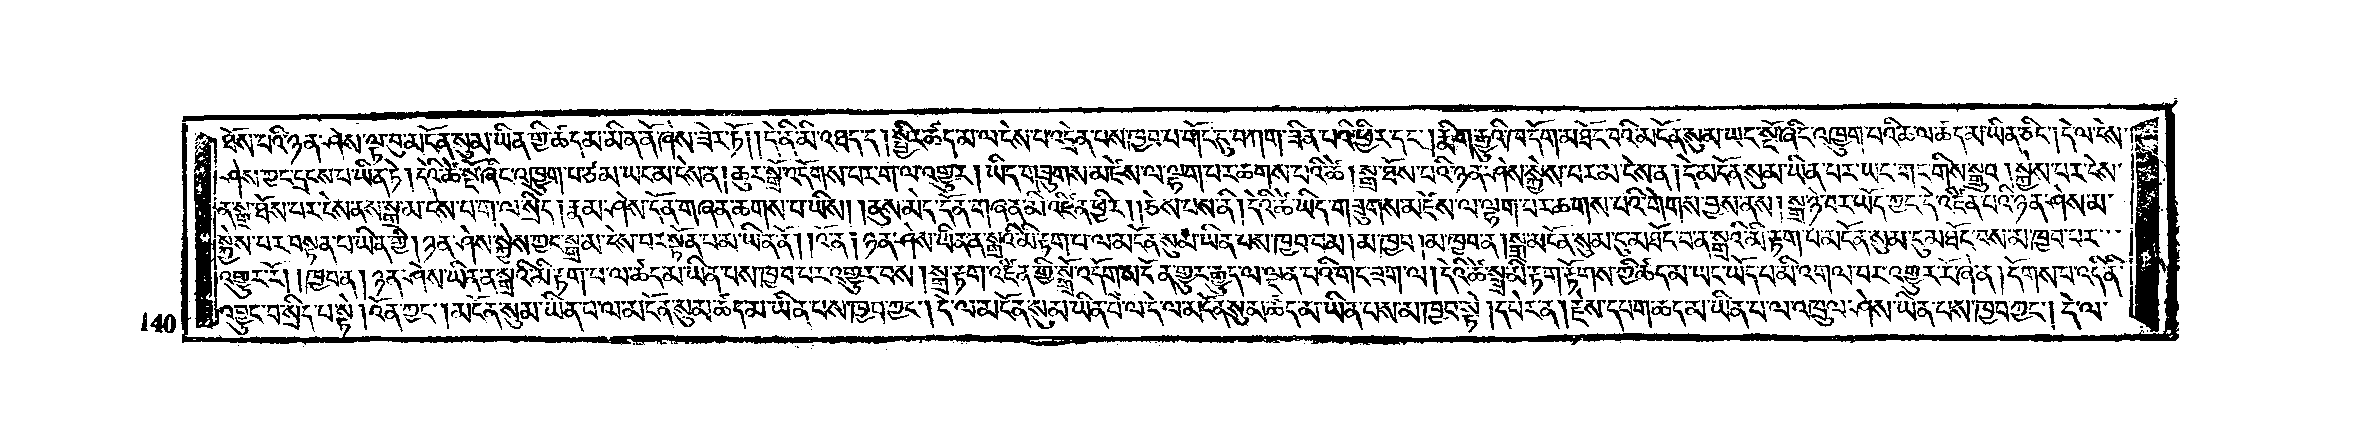ཐོས་པའི་ཉན་ཤེས་ལྟ་བུ་མངོན་སུམ་ཡིན་གྱི་ཚད་མ་མིན་ནོ་ཞེས་ཟེར་ཏོ། །དེ་ནི་མི་འཐད་ད། སྤྱིར་ཚད་མ་ལ་ངེས་པ་འདྲེན་པས་ཁྱབ་པ་གོང་དུ་བཀག་ཟིན་པའི་ཕྱིར་དང་། རྨིག་རྒྱུའི་ཁ་དོག་མཐོང་བའི་མངོན་སུམ་ཡང་སྔོ་ཞིང་འཁྱུག་པའི་ཆ་ལ་ཚད་མ་ཡིན་ཅིང་། དེ་ལ་ངེས་
ཤེས་ཀྱང་དྲངས་པ་ཡིན་ཏེ། དེའི་ཚེ་སྔོ་ཞིང་འཁྱུག་པ་ཙམ་ཡང་མ་ངེས་ན། ཆུར་སྒྲོ་འདོགས་པར་ག་ལ་འགྱུར། ཡིད་གཟུགས་མཛེས་ལ་ལྷག་པར་ཆགས་པའི་ཚེ། སྒྲ་ཐོས་པའི་ཉན་ཤེས་སྐྱེས་པར་མ་ངེས་ན། དེ་མངོན་སུམ་ཡིན་པར་ཡང་གང་གིས་སྒྲུབ། སྐྱེས་པར་ངེས་
ན་སྒྲ་ཐོས་པར་ངེས་ནས་སྒྲ་མ་ངེས་པ་ག་ལ་སྲིད། རྣམ་ཤེས་དོན་གཞན་ཆགས་པ་ཡིས། །ནུས་མེད་དོན་གཞན་མི་འཛིན་ཕྱིར། །ཅེས་པས་ནི། དེའི་ཚེ་ཡིད་གཟུགས་མཛེས་ལ་ལྷག་པར་ཆགས་པའི་གེགས་བྱས་ནས། སྒྲ་ཉེ་བར་ཡོད་ཀྱང་དེ་འཛིན་པའི་ཉན་ཤེས་མ་
སྐྱེས་པར་བསྟན་པ་ཡིན་གྱི། ཉན་ཤེས་སྐྱེས་ཀྱང་སྒྲ་མ་ངེས་པར་སྟོན་པ་མ་ཡིན་ནོ། །འོ་ན། ཉན་ཤེས་ཡིན་ན་སྒྲའི་མི་རྟག་པ་ལ་མངོན་སུམ་ཡིན་པས་ཁྱབ་བམ། མ་ཁྱབ། མ་ཁྱབ་ན། སྒྲ་མངོན་སུམ་དུ་མཐོང་བ་ན་སྒྲའི་མི་རྟག་པ་མངོན་སུམ་དུ་མཐོང་བས་མ་ཁྱབ་པར་
འགྱུར་རོ། །ཁྱབ་ན། ཉན་ཤེས་ཡིན་ན་སྒྲའི་མི་རྟག་པ་ལ་ཚད་མ་ཡིན་པས་ཁྱབ་པར་འགྱུར་བས། སྒྲ་རྟག་འཛིན་གྱི་སྒྲོ་འདོགས་མངོན་གྱུར་རྒྱུད་ལ་ལྡན་པའི་གང་ཟག་ལ། དེའི་ཚེ་སྒྲ་མི་རྟག་རྟོགས་ཀྱི་ཚད་མ་ཡང་ཡོད་པ་མི་འགལ་བར་འགྱུར་རོ་ཞེ་ན། དོགས་པ་འདི་ནི་
འབྱུང་བ་སྲིད་པ་སྟེ། འོན་ཀྱང་། མངོན་སུམ་ཡིན་པ་ལ་མངོན་སུམ་ཚད་མ་ཡིན་པས་ཁྱབ་ཀྱང་། དེ་ལ་མངོན་སུམ་ཡིན་པ་ལ་དེ་ལ་མངོན་སུམ་ཚད་མ་ཡིན་པས་མ་ཁྱབ་སྟེ། དཔེར་ན། རྗེས་དཔག་ཚད་མ་ཡིན་པ་ལ་འཁྲུལ་ཤེས་ཡིན་པས་ཁྱབ་ཀྱང་། དེ་ལ་